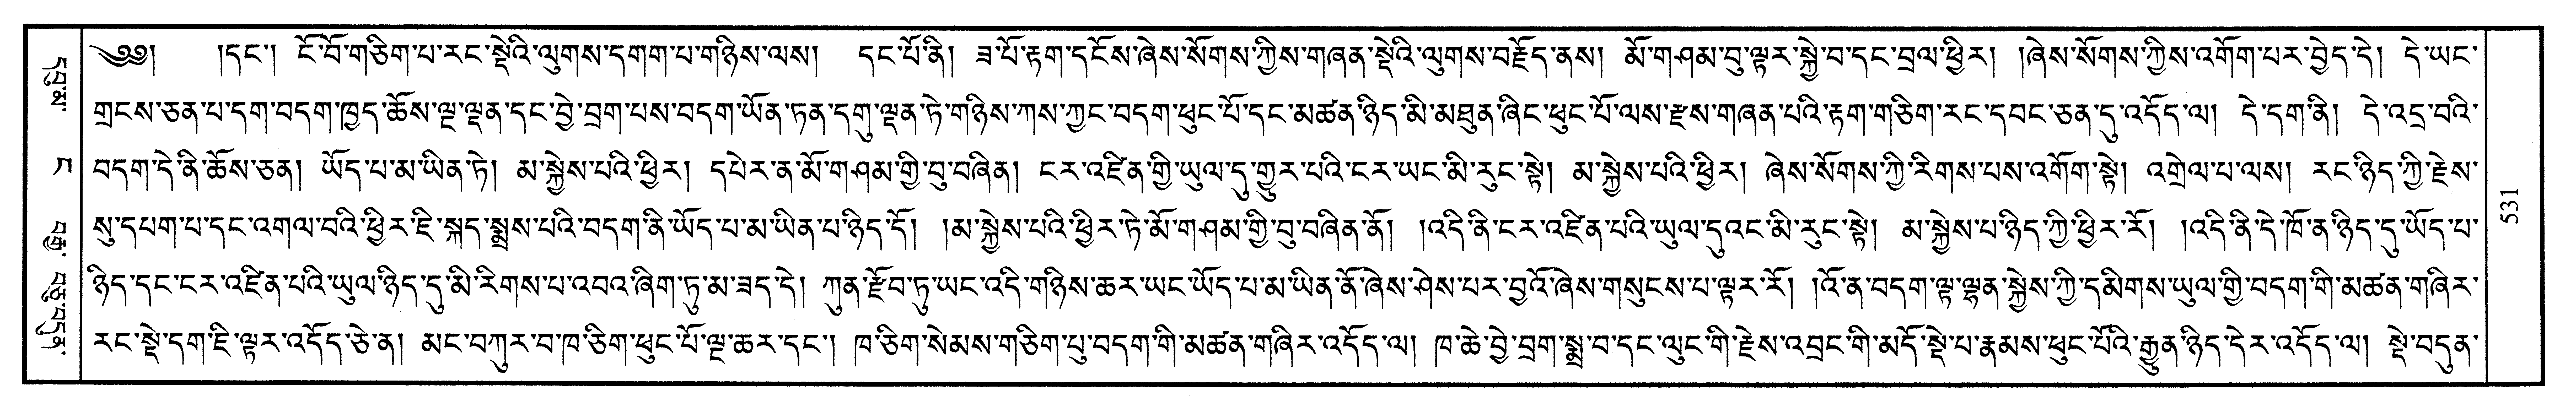༄༅། །དང་། ངོ་བོ་གཅིག་པ་རང་སྡེའི་ལུགས་དགག་པ་གཉིས་ལས། དང་པོ་ནི། ཟ་པོ་རྟག་དངོས་ཞེས་སོགས་ཀྱིས་གཞན་སྡེའི་ལུགས་བརྗོད་ནས། མོ་གཤམ་བུ་ལྟར་སྐྱེ་བ་དང་བྲལ་ཕྱིར། །ཞེས་སོགས་ཀྱིས་འགོག་པར་བྱེད་དེ། དེ་ཡང་
གྲངས་ཅན་པ་དག་བདག་ཁྱད་ཆོས་ལྔ་ལྡན་དང་བྱེ་བྲག་པས་བདག་ཡོན་ཏན་དགུ་ལྡན་ཏེ་གཉིས་ཀས་ཀྱང་བདག་ཕུང་པོ་དང་མཚན་ཉིད་མི་མཐུན་ཞིང་ཕུང་པོ་ལས་རྫས་གཞན་པའི་རྟག་གཅིག་རང་དབང་ཅན་དུ་འདོད་ལ། དེ་དག་ནི། དེ་འདྲ་བའི་
བདག་དེ་ནི་ཆོས་ཅན། ཡོད་པ་མ་ཡིན་ཏེ། མ་སྐྱེས་པའི་ཕྱིར། དཔེར་ན་མོ་གཤམ་གྱི་བུ་བཞིན། ངར་འཛིན་གྱི་ཡུལ་དུ་གྱུར་པའི་ངར་ཡང་མི་རུང་སྟེ། མ་སྐྱེས་པའི་ཕྱིར། ཞེས་སོགས་ཀྱི་རིགས་པས་འགོག་སྟེ། འགྲེལ་པ་ལས། རང་ཉིད་ཀྱི་རྗེས་
སུ་དཔག་པ་དང་འགལ་བའི་ཕྱིར་ཇི་སྐད་སྨྲས་པའི་བདག་ནི་ཡོད་པ་མ་ཡིན་པ་ཉིད་དོ། །མ་སྐྱེས་པའི་ཕྱིར་ཏེ་མོ་གཤམ་གྱི་བུ་བཞིན་ནོ། །འདི་ནི་ངར་འཛིན་པའི་ཡུལ་དུའང་མི་རུང་སྟེ། མ་སྐྱེས་པ་ཉིད་ཀྱི་ཕྱིར་རོ། །འདི་ནི་དེ་ཁོ་ན་ཉིད་དུ་ཡོད་པ་
ཉིད་དང་ངར་འཛིན་པའི་ཡུལ་ཉིད་དུ་མི་རིགས་པ་འབའ་ཞིག་ཏུ་མ་ཟད་དེ། ཀུན་རྫོབ་ཏུ་ཡང་འདི་གཉིས་ཆར་ཡང་ཡོད་པ་མ་ཡིན་ནོ་ཞེས་ཤེས་པར་བྱའོ་ཞེས་གསུངས་པ་ལྟར་རོ། །འོ་ན་བདག་ལྟ་ལྷན་སྐྱེས་ཀྱི་དམིགས་ཡུལ་གྱི་བདག་གི་མཚན་གཞིར་
རང་སྡེ་དག་ཇི་ལྟར་འདོད་ཅེ་ན། མང་བཀུར་བ་ཁ་ཅིག་ཕུང་པོ་ལྔ་ཆར་དང་། ཁ་ཅིག་སེམས་གཅིག་པུ་བདག་གི་མཚན་གཞིར་འདོད་ལ། ཁ་ཆེ་བྱེ་བྲག་སྨྲ་བ་དང་ལུང་གི་རྗེས་འབྲང་གི་མདོ་སྡེ་པ་རྣམས་ཕུང་པོའི་རྒྱུན་ཉིད་དེར་འདོད་ལ། སྡེ་བདུན་